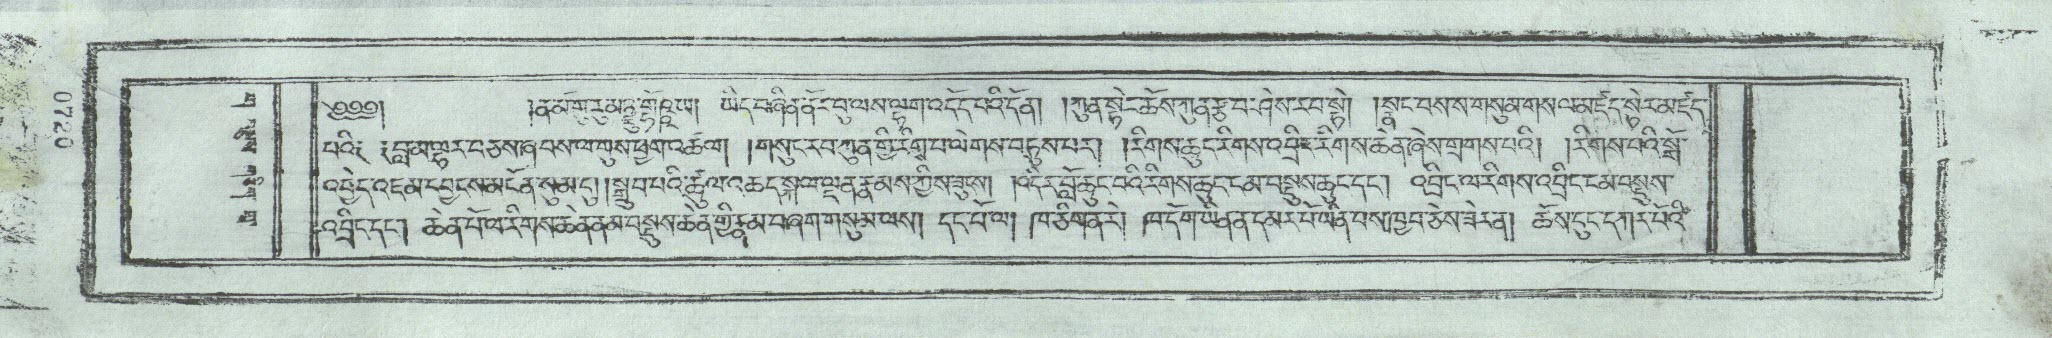༄༅༅། །ན་མོ་གུ་རུ་མཉྫུ་གྷོཥྵ་ཡ། ཡིད་བཞིན་ནོར་བུ་ལས་ལྷག་འདོད་པའི་དོན། །ཀུན་སྟེར་ཆོས་ཀུན་རྩ་བ་ཤེས་རབ་སྟེ། །སྣང་བས་ས་གསུམ་གསལ་མཛད་སྟེར་མཛད་
པའི༑ ༑བླ་མ་ལྷར་བཅས་ཞབས་ལ་གུས་ཕྱག་འཚལ། །གསུང་རབ་ཀུན་གྱི་རིགས་པ་ལེགས་བཏུས་པར། །རིགས་ཆུང་རིགས་འབྲིང་རིགས་ཆེན་ཞེས་གྲགས་པའི། །རིགས་པའི་སྒོ་
འབྱེད་འཇམ་དབྱངས་མངོན་སུམ་དུ། །སྒྲུབ་པའི་ཚུལ་འཆད་སྐལ་ལྡན་རྣམས་ཀྱིས་ཟུངས། །འདིར་བློ་ཆུང་བའི་རིགས་ཆུང་ངམ་བསྡུས་ཆུང་དང་། འབྲིང་ལ་རིགས་འབྲིང་ངམ་བསྡུས་
འབྲིང་དང་། ཆེན་པོ་ལ་རིགས་ཆེན་ནམ་བསྡུས་ཆེན་གྱི་རྣམ་བཞག་གསུམ་ལས། དང་བོ་ལ། ཁ་ཅིག་ན་རེ། ཁ་དོག་ཡིན་ན་དམར་པོ་ཡིན་པས་ཁྱབ་ཅེས་ཟེར་ན། ཆོས་དུང་དཀར་པོའི་